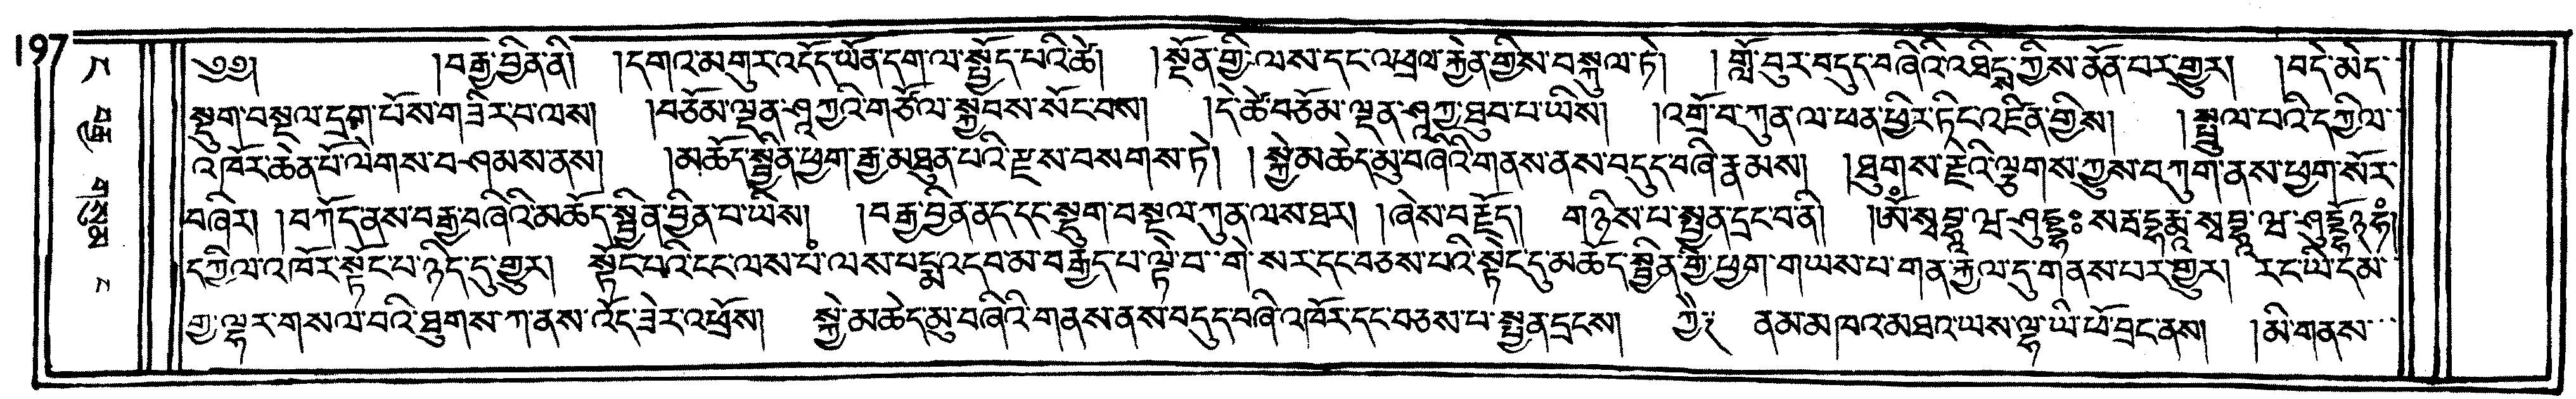༄༅། །བརྒྱ་བྱིན་ནི། །དགའ་མགུར་འདོད་ཡོན་དག་ལ་སྤྱོད་པའི་ཚེ། །སྔོན་གྱི་ལས་དང་འཕྲལ་རྐྱེན་གྱིས་བསྐུལ་ཏེ། །གློ་བུར་བདུད་བཞིའི་འཐིངས་ཀྱིས་ནོན་བར་གྱུར། །བདེ་མེད་
སྡུག་བསྔལ་དྲག་པོས་གཟིར་བ་ལས། །བཅོམ་ལྡན་ཤཱཀྱའི་གཙོ་ལ་སྐྱབས་སོང་བས། །དེ་ཚེ་བཅོམ་ལྡན་ཤཱ་ཀྱ་ཐུབ་པ་ཡིས། །འགྲོ་བ་ཀུན་ལ་ཕན་ཕྱིར་ཏིང་འཛིན་གྱིས། །སྤྲུལ་པའི་དཀྱིལ་
འཁོར་ཆེན་པོ་ལེགས་བཤམས་ནས། །མཆོད་སྦྱིན་ཕྱག་རྒྱ་མཐུན་པའི་རྫས་བསགས་ཏེ། །སྐྱེ་མཆེད་མུ་བཞིའི་གནས་ནས་བདུད་བཞི་རྣམས། །ཐུགས་རྗེའི་ལྕགས་ཀྱུས་བཀུག་ནས་ཕྱག་སོར་
བཞིར། །བཀོད་ནས་བརྒྱ་བཞིའི་མཆོད་སྦྱིན་བྱིན་པ་ཡིས། །བརྒྱ་བྱིན་ནད་དང་སྡུག་བསྔལ་ཀུན་ལས་ཐར། །ཞེས་བརྗོད། གཉིས་པ་སྤྱན་དྲང་བ་ནི། །ཨོཾ་སྭ་བྷཱ་ཝ་ཤུདྡྷཿ སརྦ་དྷརྨཱ་སྭབྷཱ་ཝ་ཤུདྡྷོ་ཉ་?་ཧཾ།
དཀྱིལ་འཁོར་སྟོང་པ་ཉིད་དུ་གྱུར། སྟོང་པའི་ངང་ལས་པཾ་ལས་པདམ་འདབ་མ་བརྒྱད་པ་ལྟེ་བ་གེ་སར་དང་བཅས་པའི་སྟེང་དུ་མཆོད་སྦྱིན་གྱི་ཕྱག་གཡས་པ་གན་རྐྱལ་དུ་གནས་པར་གྱུར། རང་ཡི་དམ་
གྱ་ལྷར་གསལ་བའི་ཐུགས་ཀ་ནས་འོད་ཟེར་འཕྲོས། སྐྱེ་མཆེད་མུ་བཞིའི་གནས་ནས་བདུད་བཞི་འཁོར་དང་བཅས་པ་སྤྱན་དྲངས། ཀྱཻ༑ ནམ་མཁའ་མཐའ་ཡས་ལྷ་ཡི་ཕོ་བྲང་ནས། །མི་གནས་